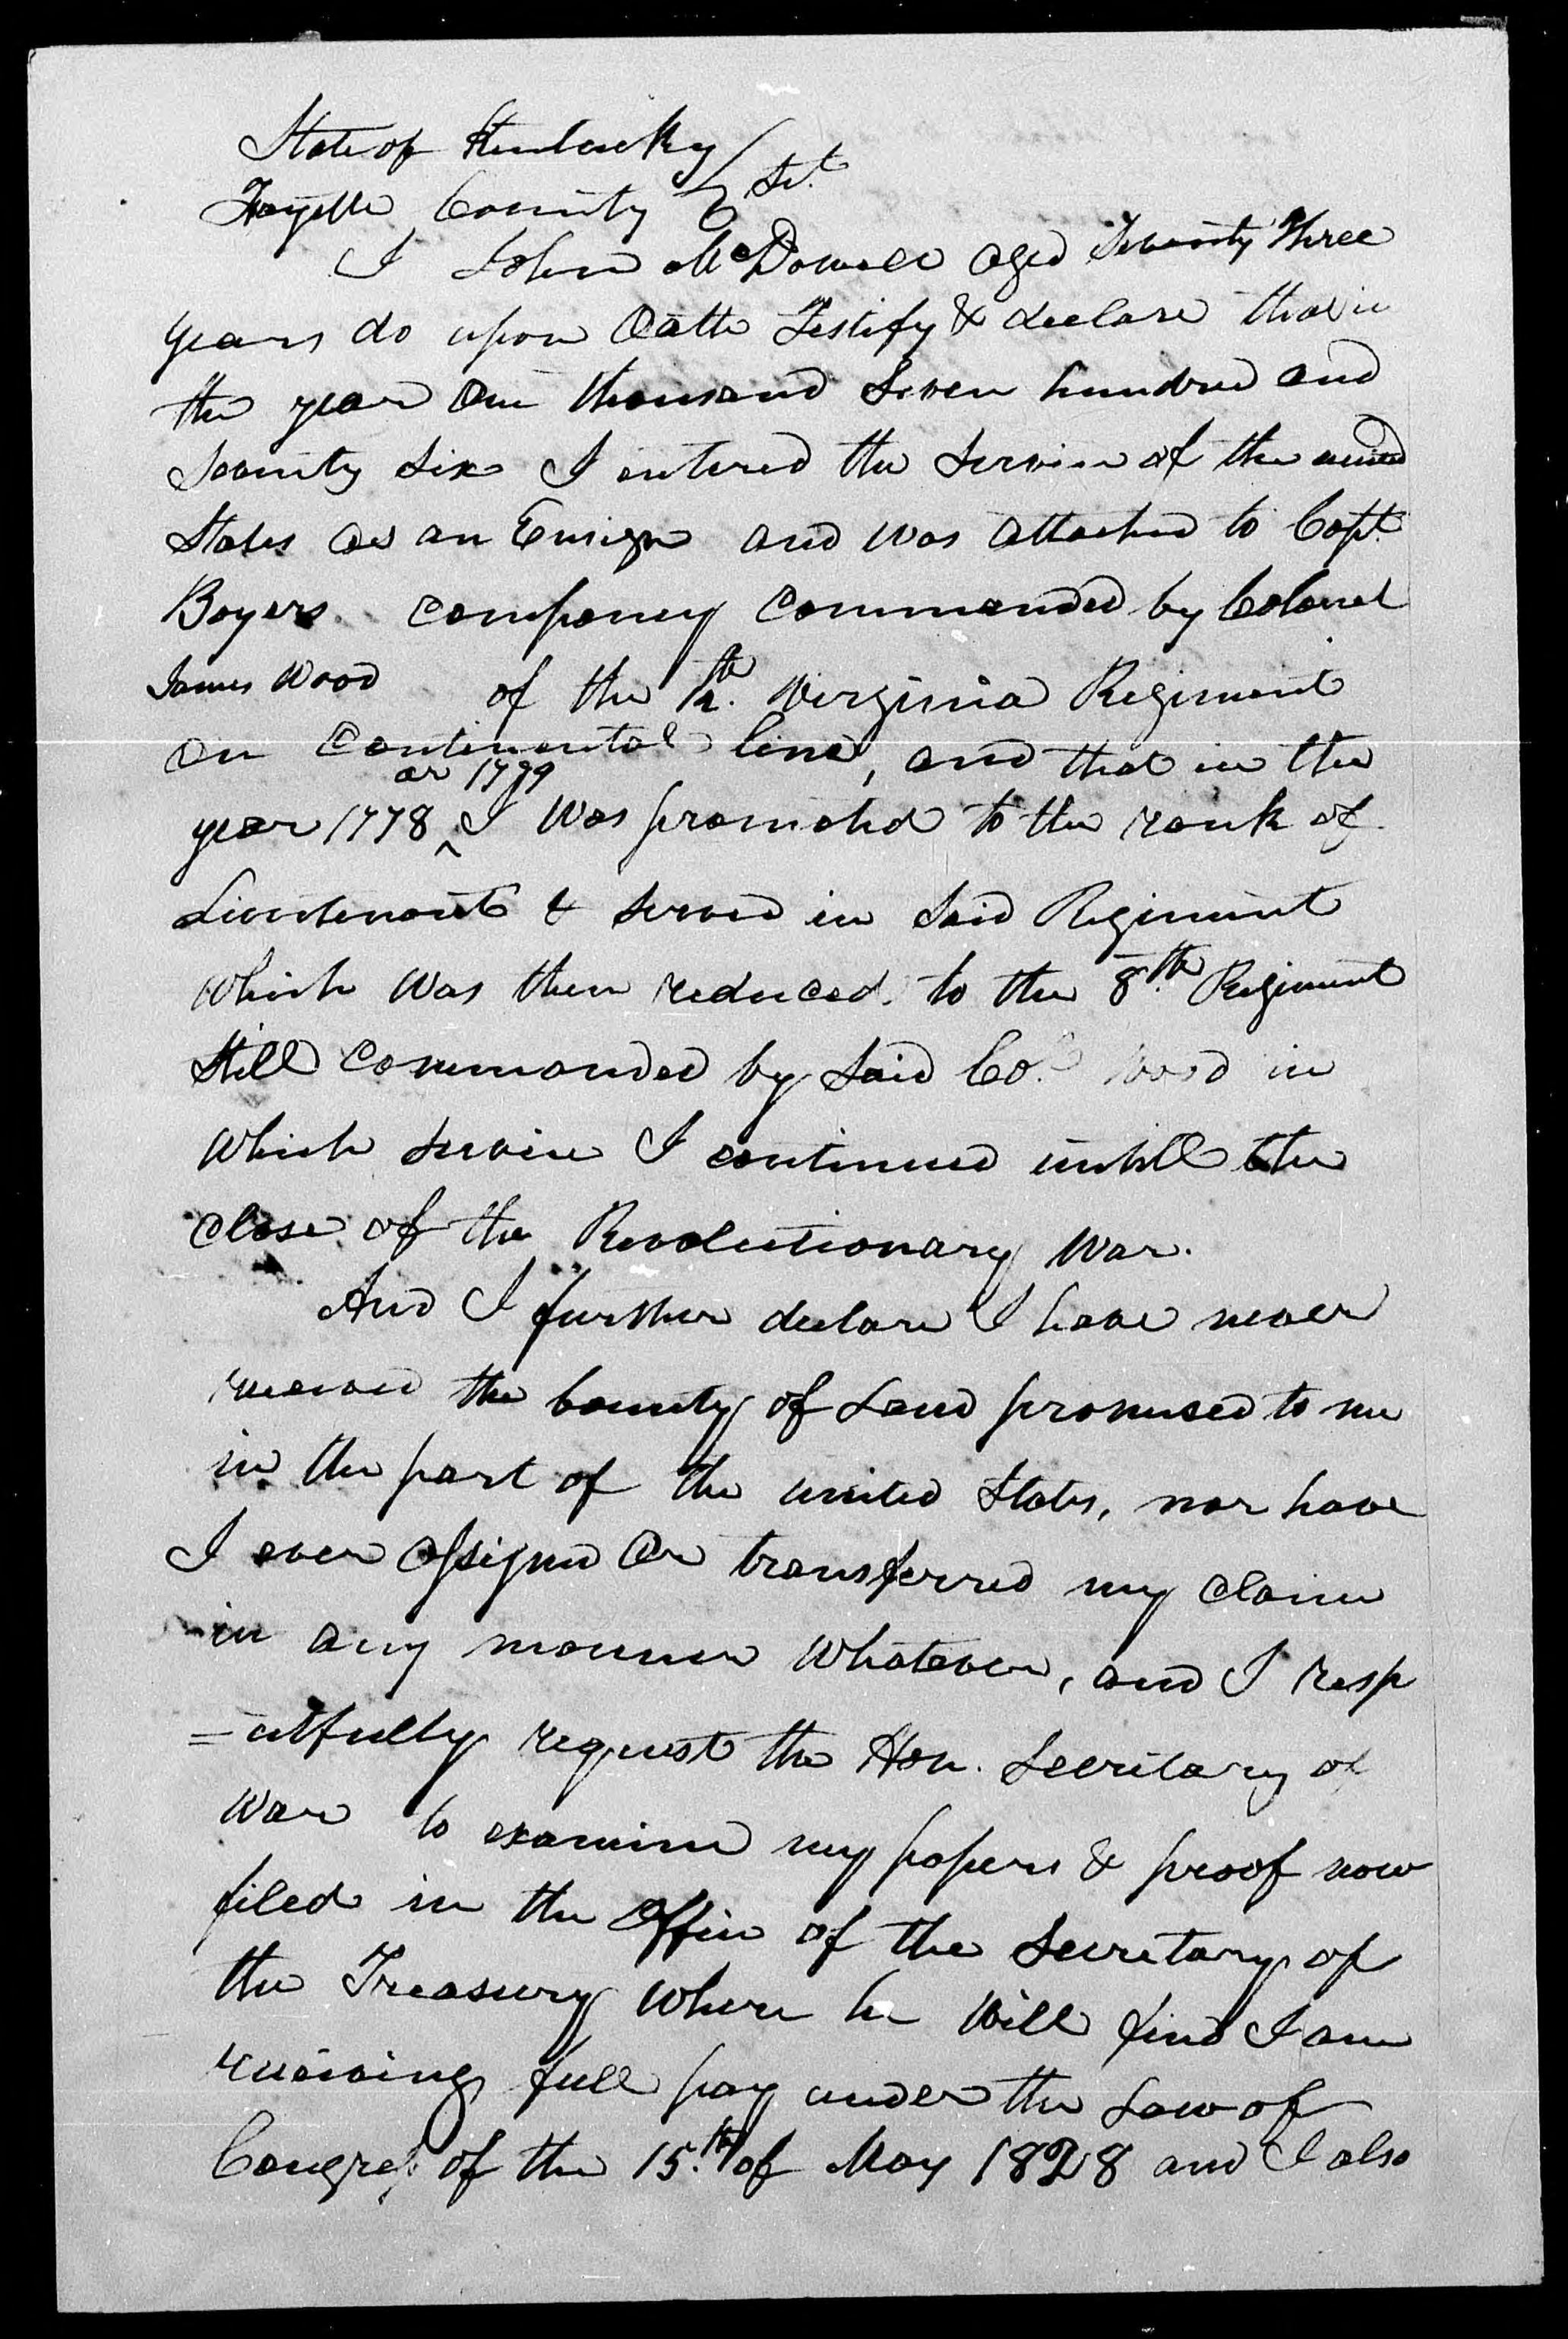State of Kentucky
Fayette County  S.S.

I, John McDowell aged seventy three
years do upon oath testify & declare that in
the year one thousand seven hundred and
and seventy six I entered the service of the United
States as an Ensign and was attached to Capt.
 Boyers company commanded by Colonel 
James Wood of the 1st Virginia Regiment
on Continental line, and that in the year
1778 or 1779 I was promoted to the rank of
Lieutenant & served in said Regiment
still commanded by said Col. [illegible] in
which service I continued until the
close of the Revolutionary War.
And I further declare I have never
received the bounty of law promised to me
in the past of the United States, nor have
I ever assigned or transferred my claim
in any manner whatsoever, and I respectfully
request the Hon. Secretary of War
to examine my papers & proof now
filed in the office of the Secretary of 
the Treasury where he will find I am
missing full pay under the Law of 
Congress of this 15th of May 1828 and I also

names: John Mc Dowell; James Wood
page: 22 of 47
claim: survivor's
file: S. 30578, for John Mc Dowell, Virginia